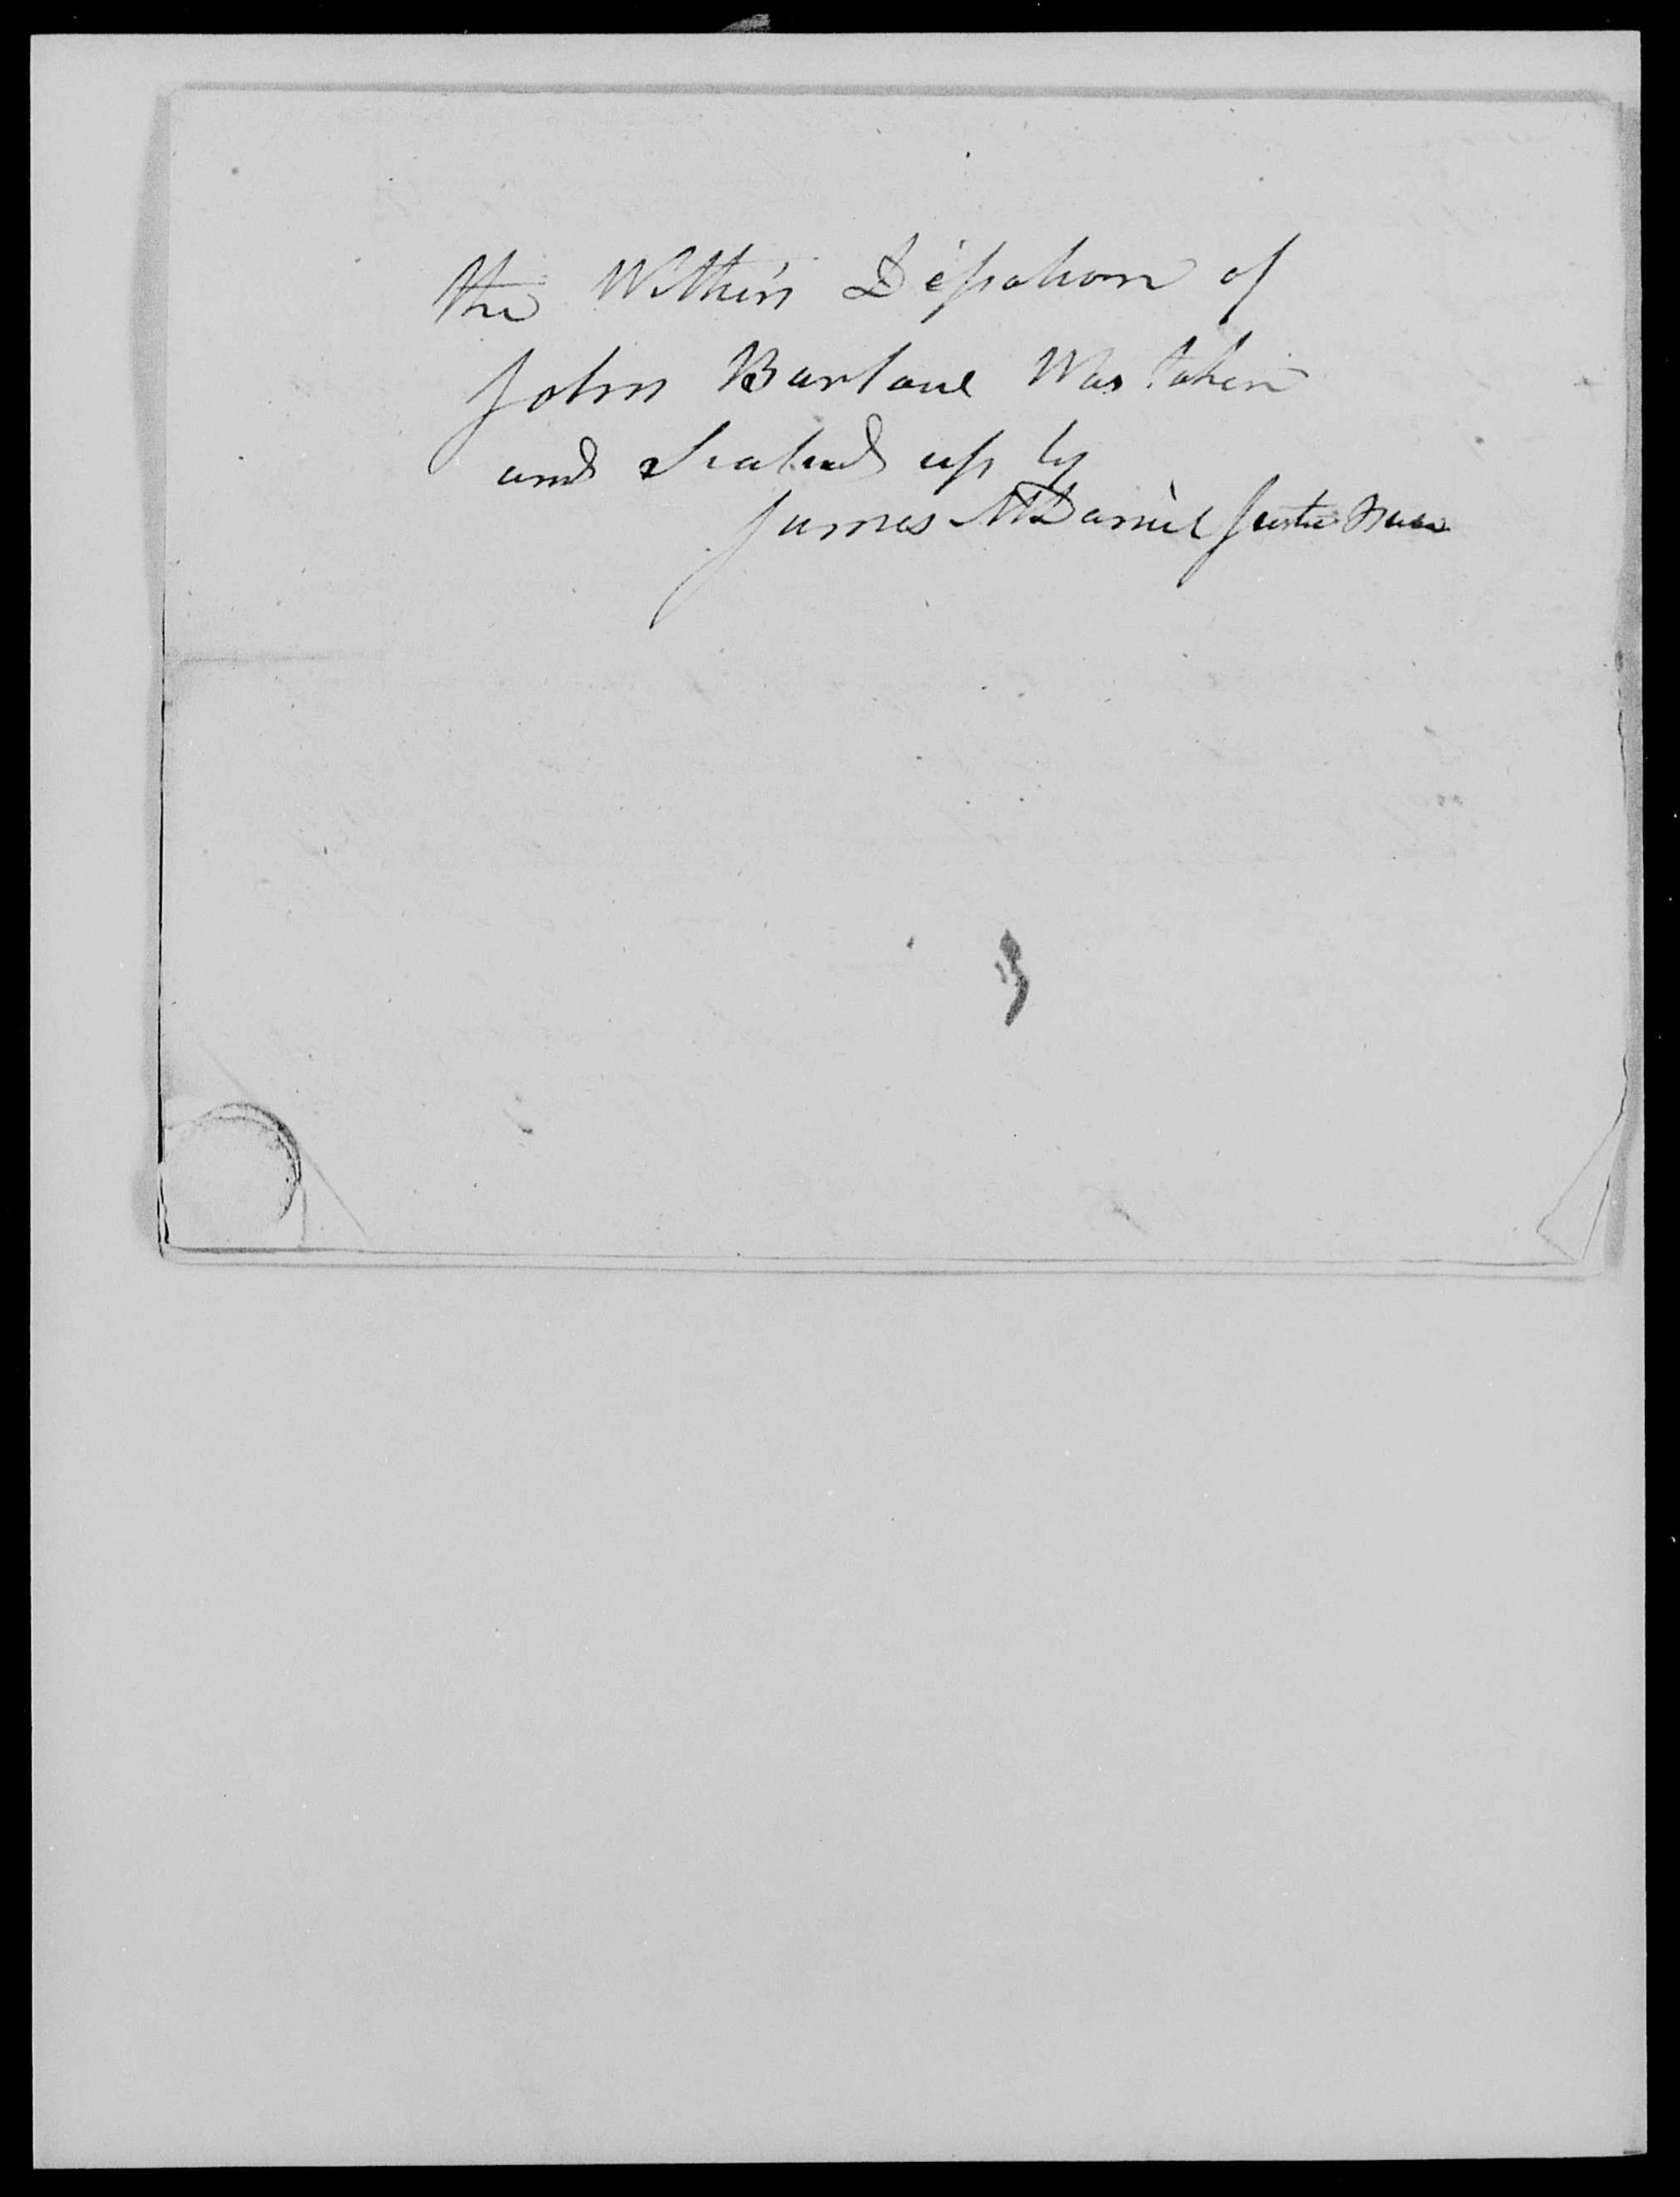The within deposition of
John Barlow was taken
and sealed up
James McDaniel Justice Peace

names: James Mc Daniel; John Bartoul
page: 13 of 20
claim: survivor's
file: S. 41,090, for Joshua Randall, Massachusetts